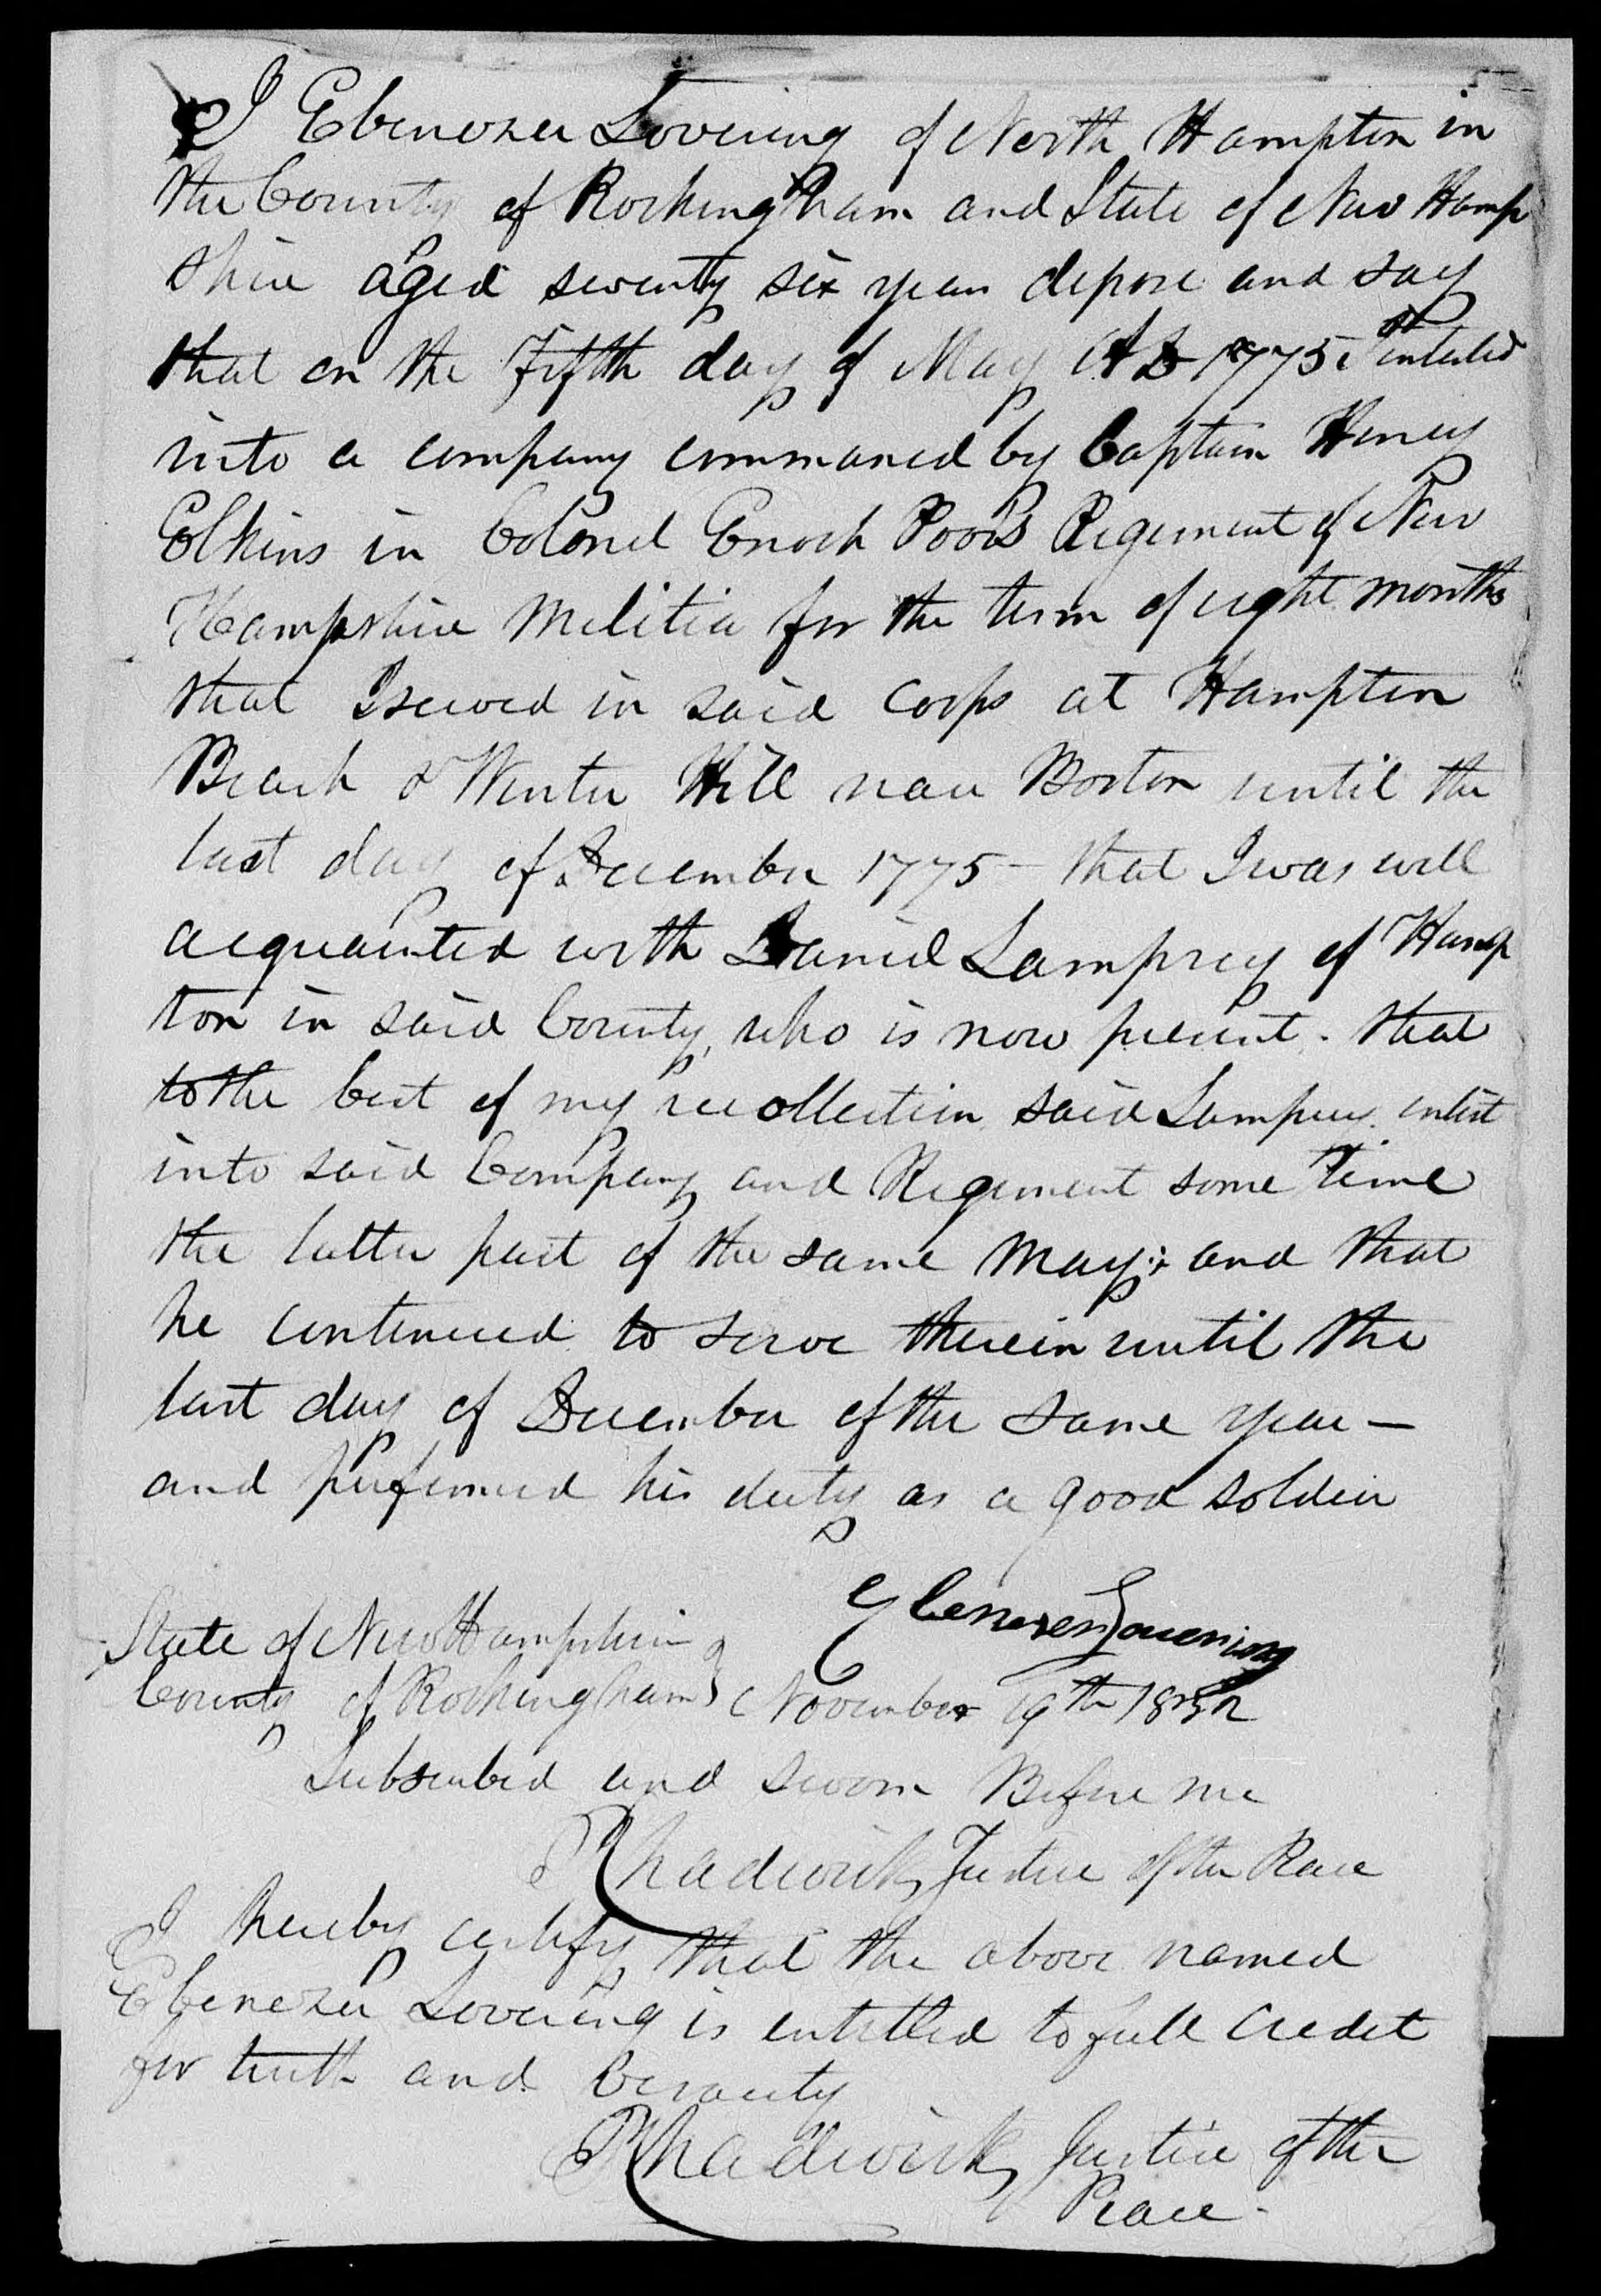I Ebenezer Lovering of North Hampton in the County of Rockingham and State of New Hampshire aged seventy six years depose and say that on the fifth day of May A.D. 1775 I enlisted into a company commanded by Captain Henry Elkins in Colonel Enoch Poor's Regiment of New Hampshire Militia for the term of eight months that I served in said Corps at Hampton Beach & Winter Hill near Boston until the last day of December 1775 - that I was well acquainted with Daniel Lamprey of Hampton in said County, who is now present. that to the best of my recollection said Lamprey enlisted into said Company and Regiment some time the latter part of the same May; and that he continued to serve therein until the last day of December of the same year- and performed his duty as a good soldier
Ebenezer Lovering
State of New Hampshire County of Rockingham} November 19th 1852
Subscribed ad sworn Before me P Chadwick Justice of the Peace
I hereby certify that the above named Ebenezer Lovering is entitled to full credit for truth and veracity
P Chadwick Justice of the Peace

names: Henry Elkins; Ebenezer Lovering; P Chadwick; Daniel Lamprey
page: 47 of 53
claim: widow's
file: W. 492, for Daniel Lamprey, New Hampshire